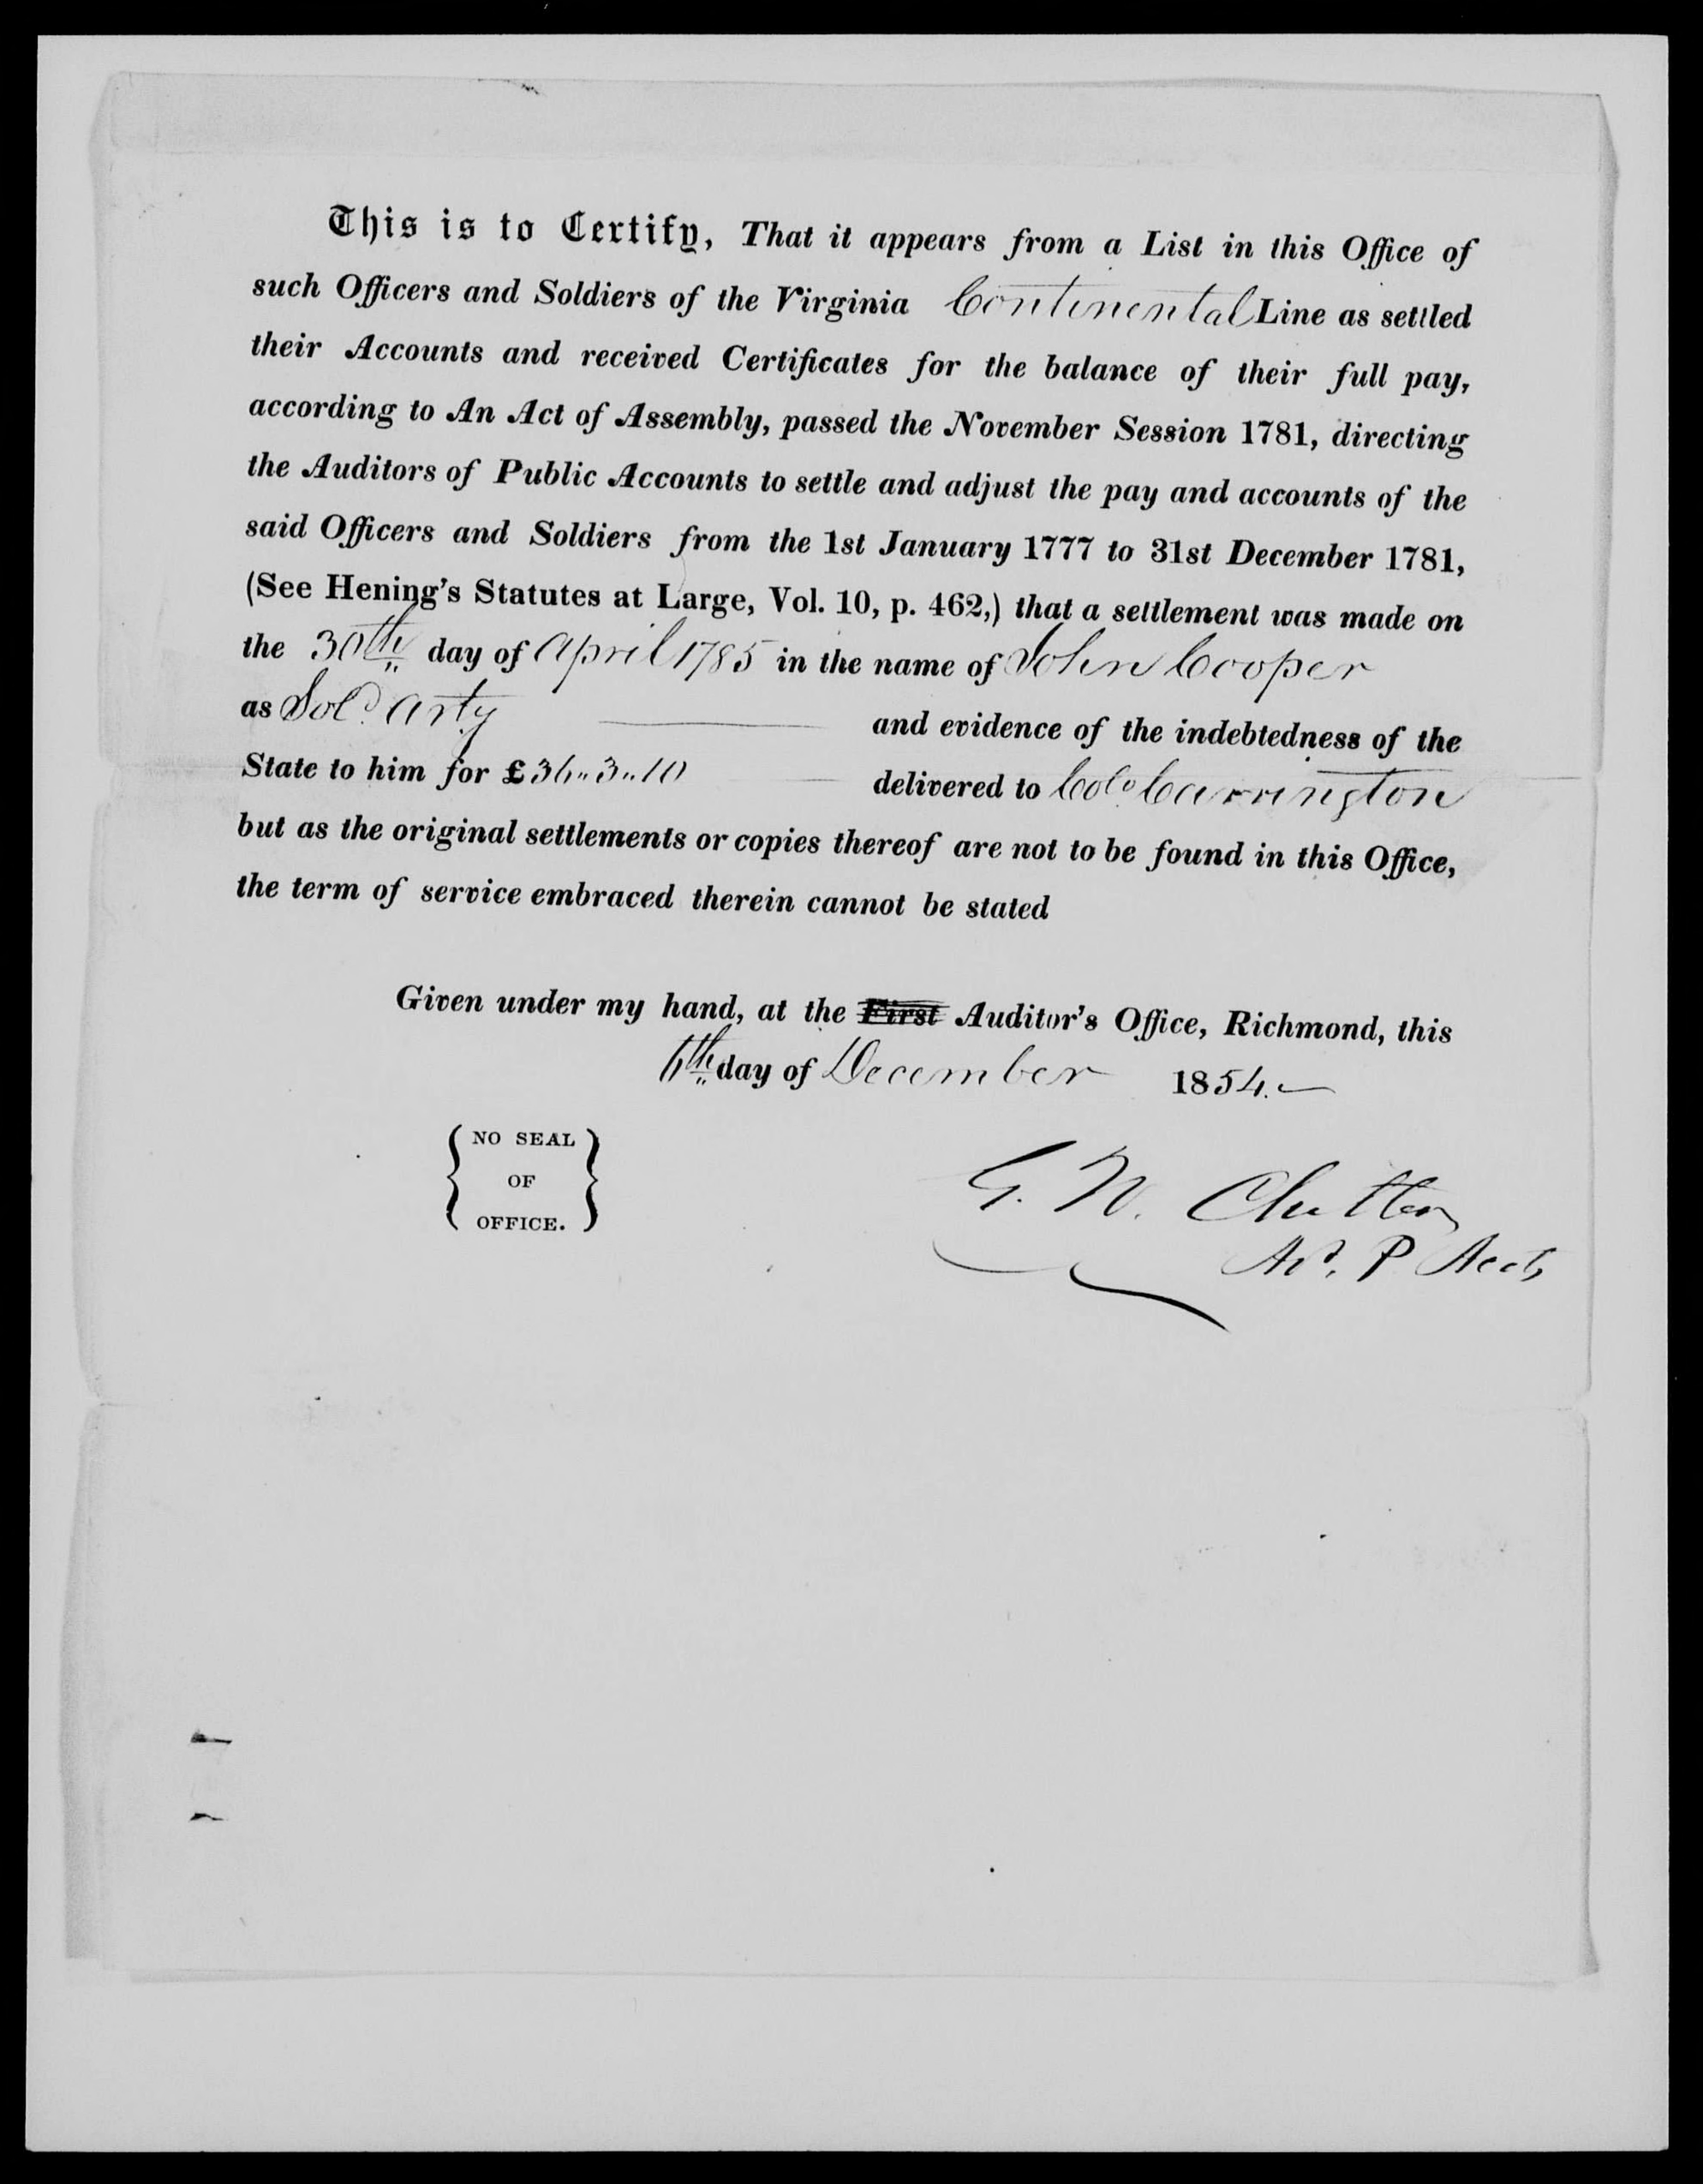This is to Certify, That is appears from a List in the Office of such Officers and Soldiers of Virginia Continental Line as settled their Accounts and received Certificates for the balance of their full pay, according to An Act of Assembly, passed the November Session 1781, directing the Auditors of Public Accounts to settle and adjust the pay and accounts of the said Officers and Soldiers at Large, Vol. 10, p. 462,) that a settlement was made on the 30th day of April 1785 in the name of John Cooper as Sol.[soldier] anty? [infantry?] ---- and evidence of the indebtedness of the State to him for £ 36..3..10  delivered to Col. Covington but as the original settlements or copies thereof are not to be found in this Office, the term of service embraced therein cannot be stated.

Given under my hand, at the [First strike through] Auditor's Office, Richmond, this
6th day of December 1854

[no deal of office.}
G. N. Chetter
A. P. [illegible]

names: G N Chetter, John Cooper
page: 17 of 17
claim: rejected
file: R. 2,300, John Cooper, Va.